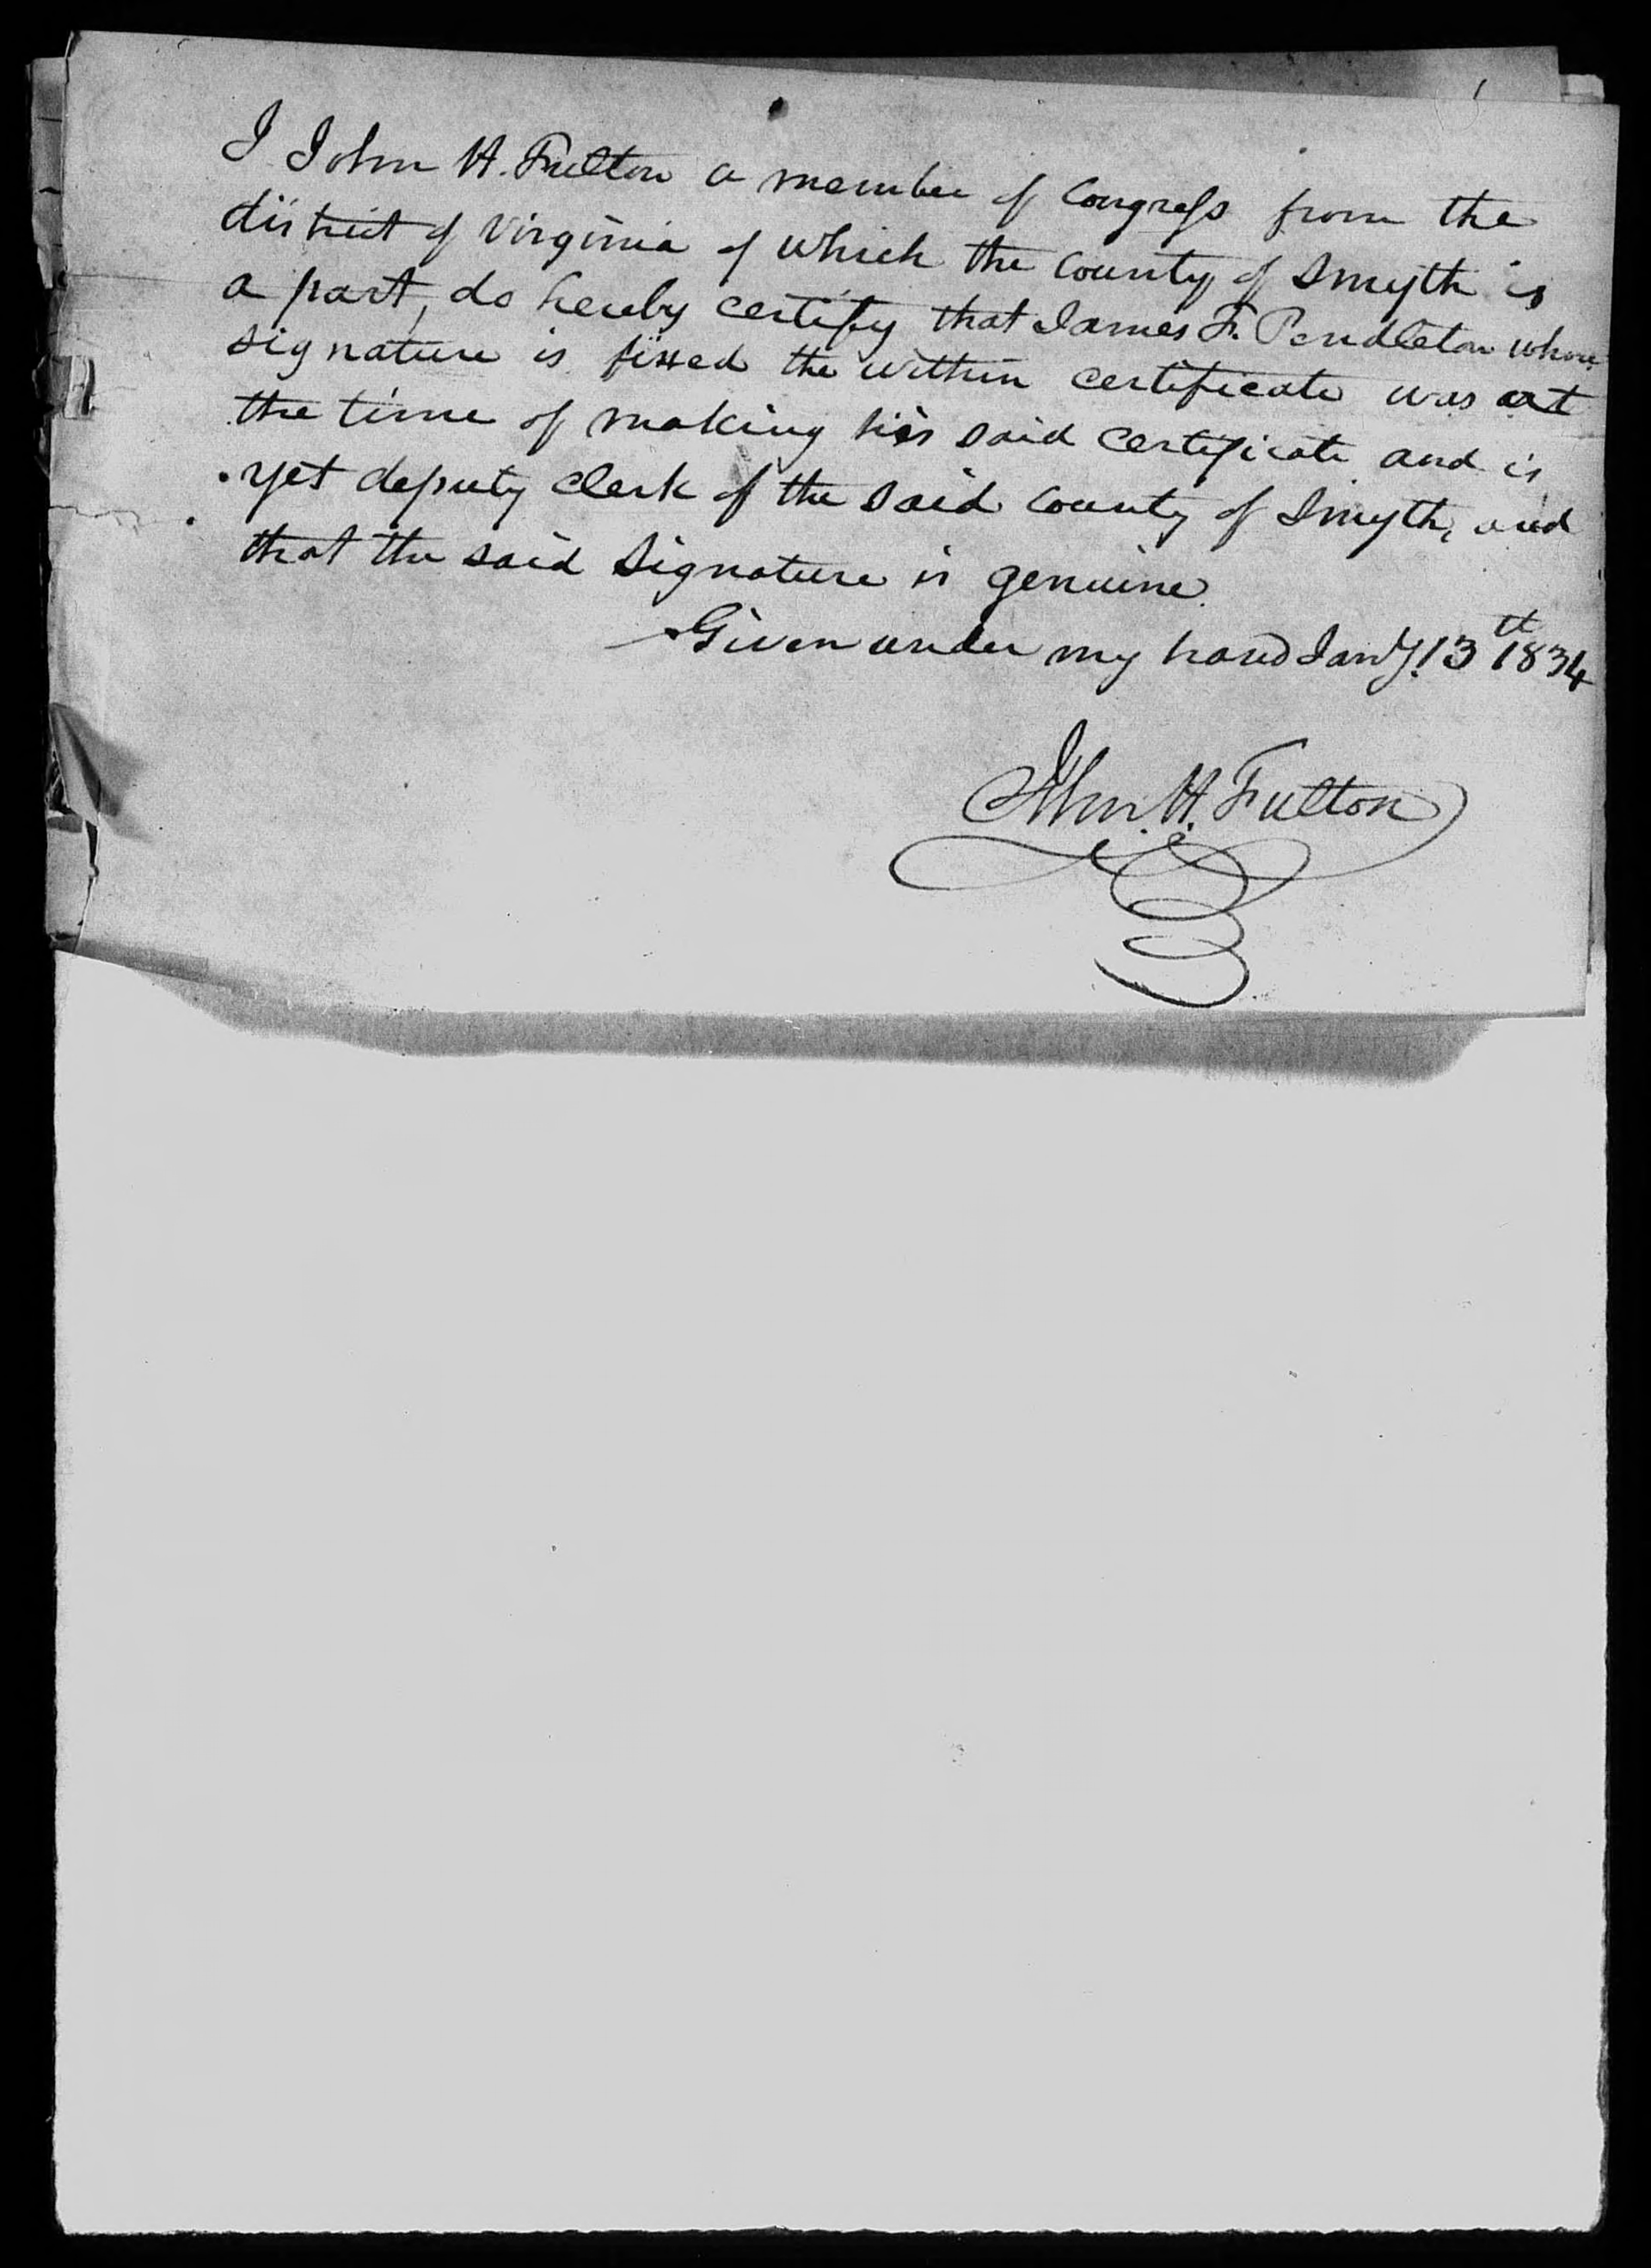I John H Fulton a member of congress from the district of Virginia of which the county of Smyth is a part, do hereby certify that James F Pendleton whose signature is fixed the within certificate was at the time of making his said certificate and is yet deputy clerk of the said county of Smyth and that the said signature is genuine.

Given under my hand Jany 13th 1834.

John H Fulton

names: James F Pendleton, John H Fulton, John H Fulton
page: 11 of 18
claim: survivor's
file: S. 15,884, John Hennigar, Md.